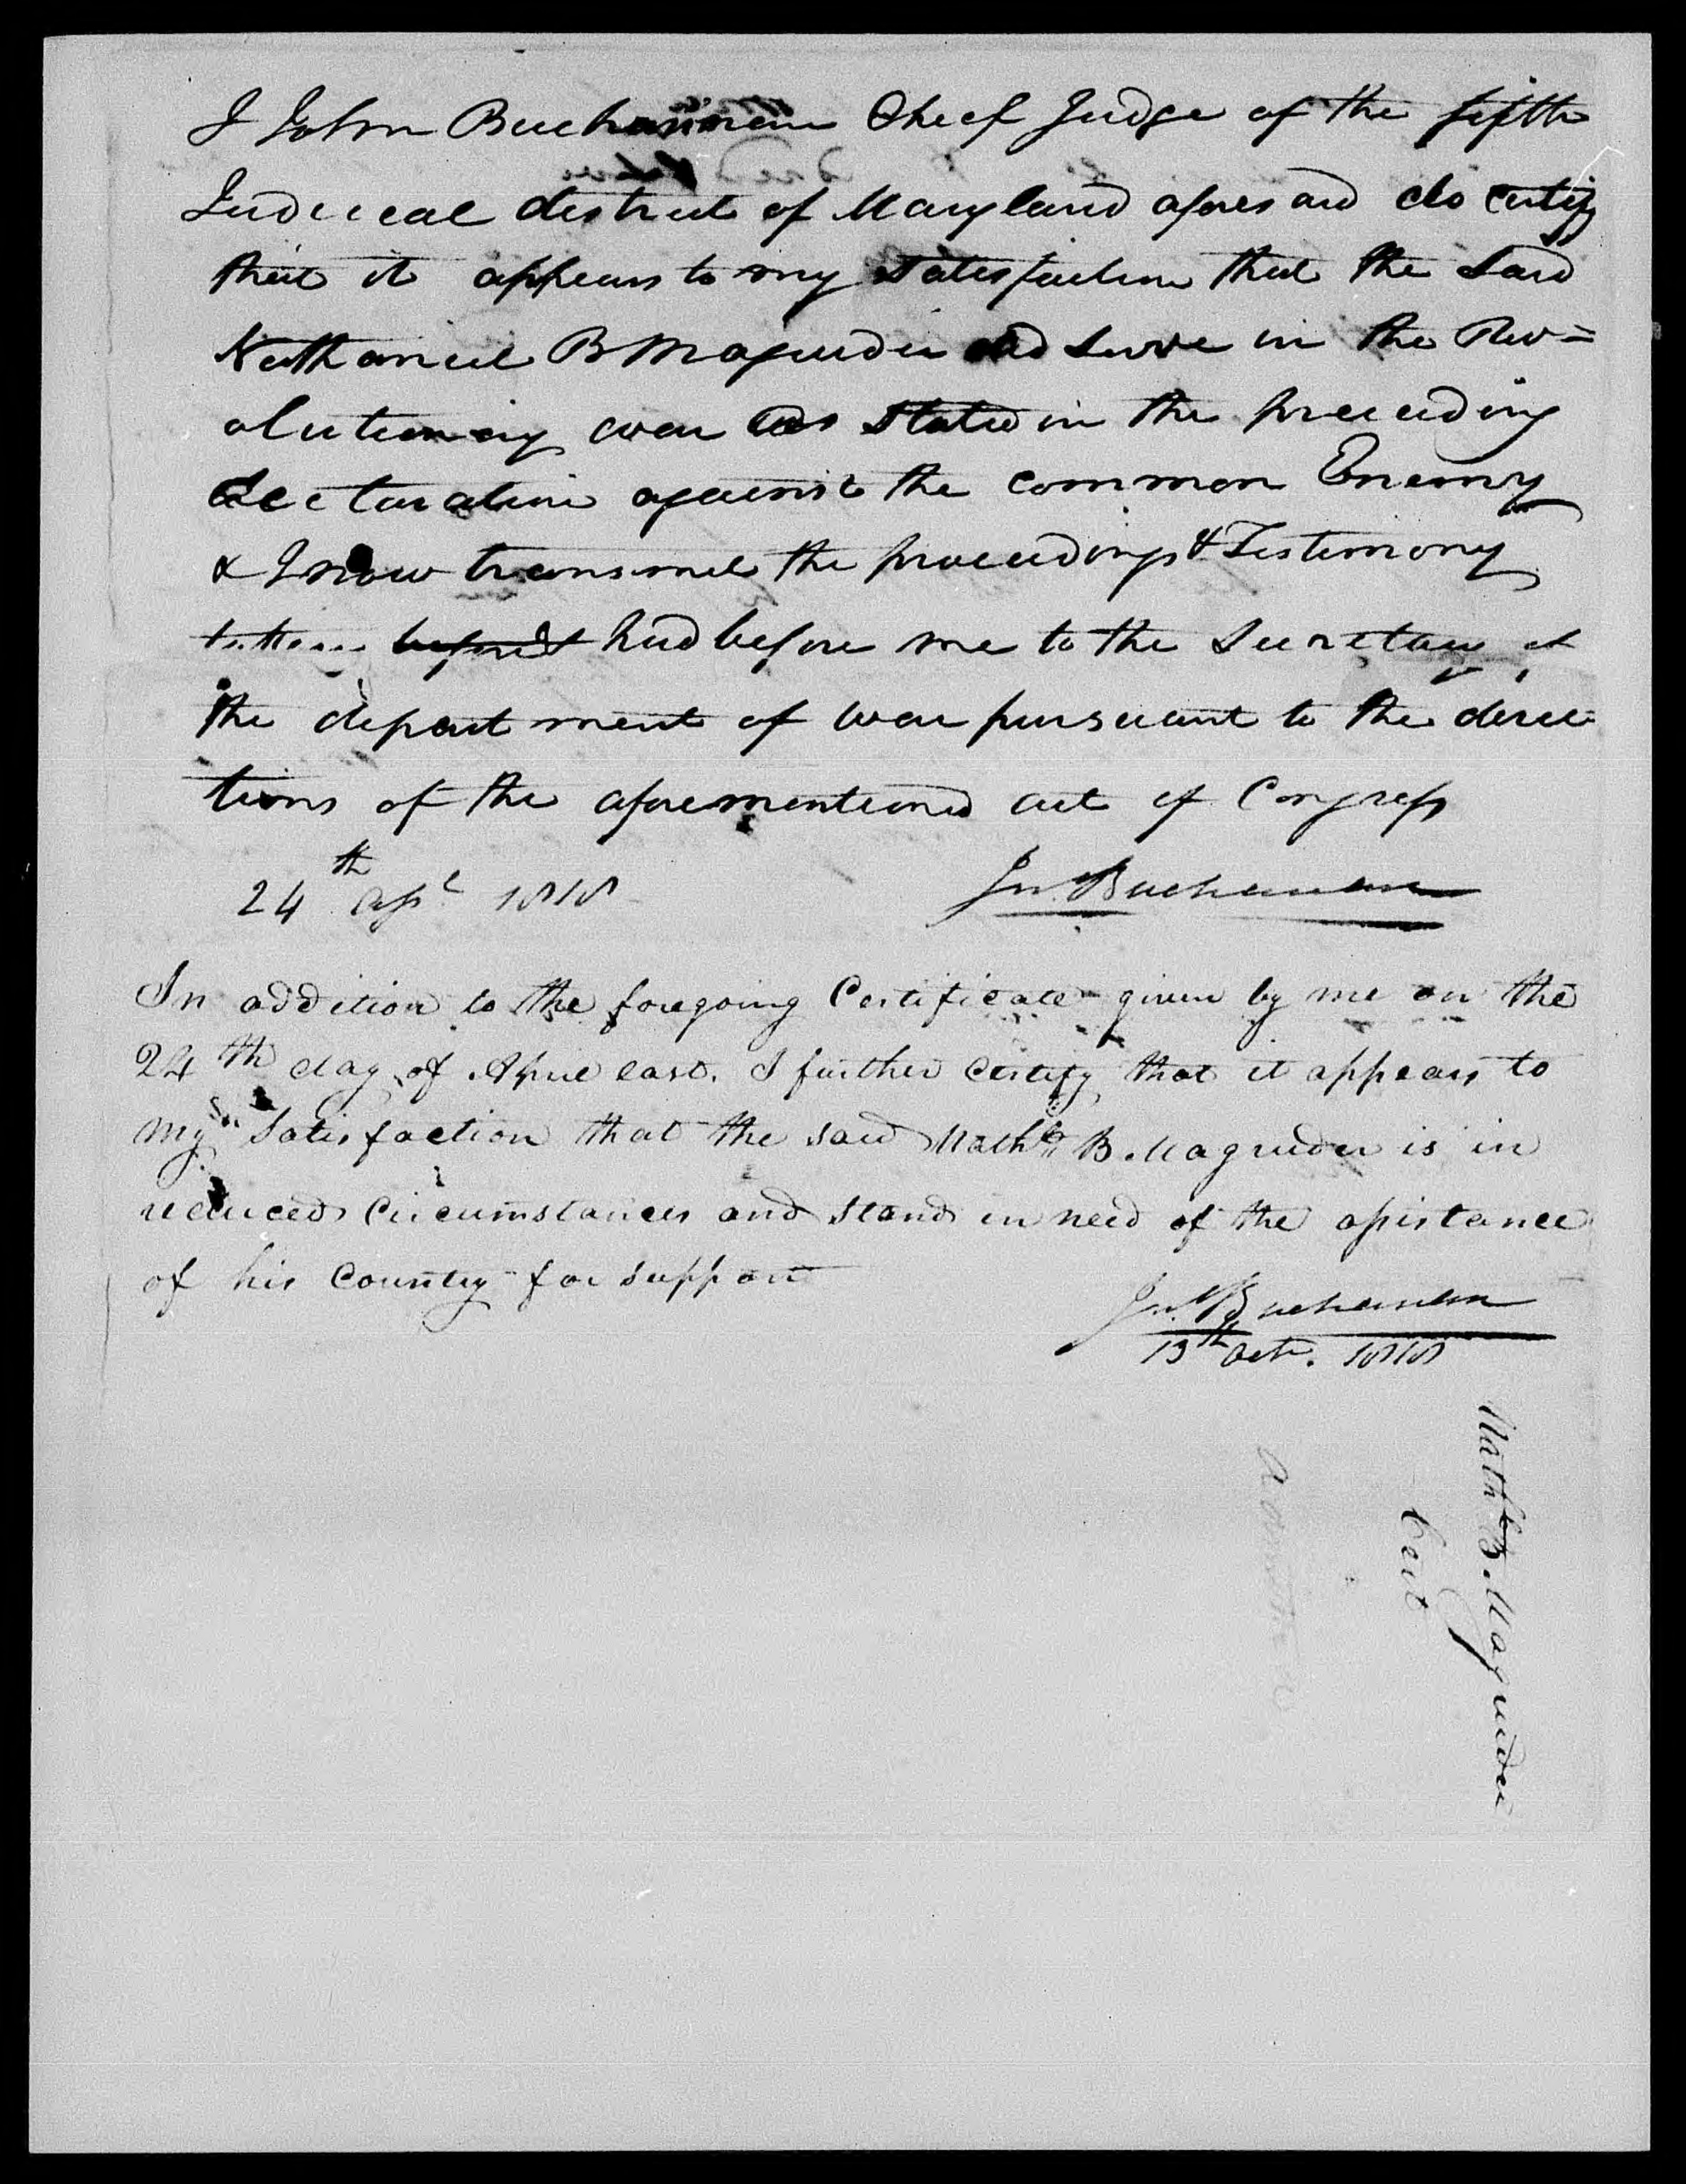I John Buchanan Chief Judge of the fifth Judicial district of Maryland aforesaid do certify that it appears to y satisfaction that the said Nathaniel B. Magruder did serve in the Revolutionary War as stated in the preceding declaration against the common Enemy & I now transmit the proceedings & Testimony taken beforehand before me to the Secretary of the department of War pursuant to the declarations of the aforementioned act of Congress.
24th Apr 1818            John Buchanan

In addition to the foregoing Certificate given by me on the 24th day of April last, I further certify that it appears to my satisfaction that the said Nathl. B. Magruder is in reduced circumstances and stands in need of the assistance of his country for support.
John Buchanan
13th Oct. 1818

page: 6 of 13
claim: survivor's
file: S. 34973, for Nathaniel Beale Magruder, Maryland